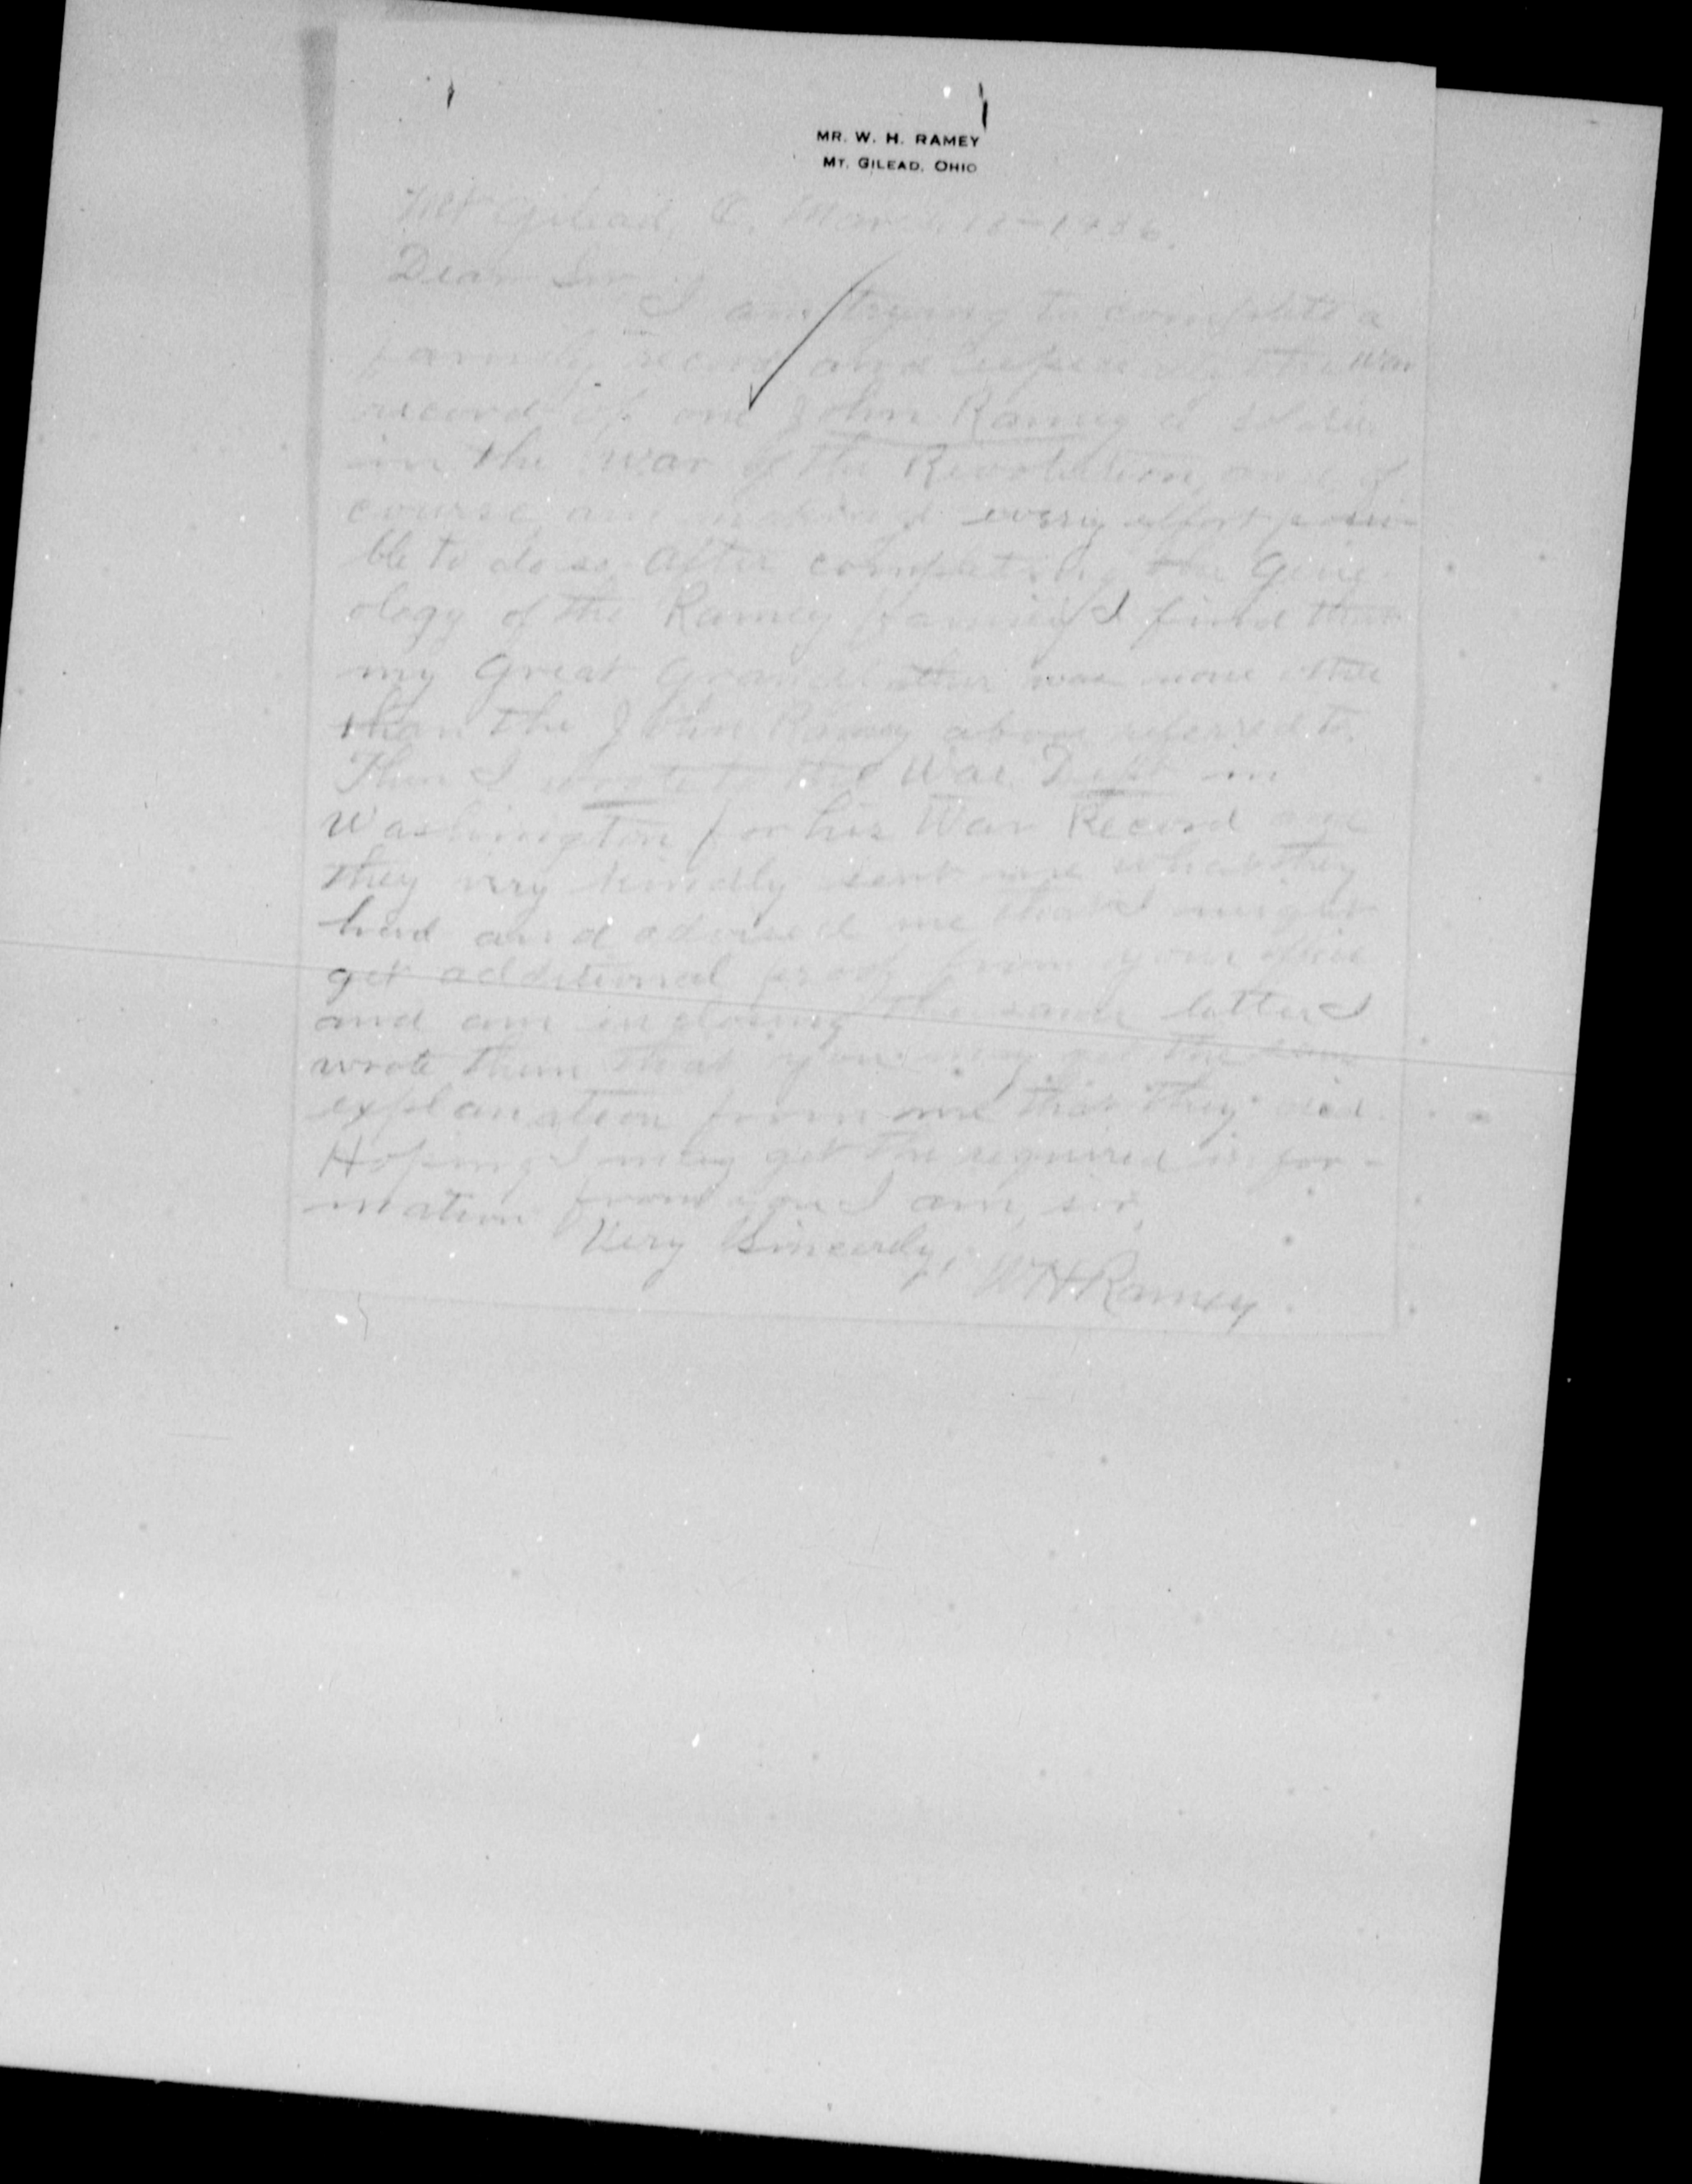MR. W. H. RAMEY
MT. GILEAD, OHIO
Mt. Gilead, O. March 15 1936.
Dear Sir
I am trying to complete a family record and require only the War record of one John Ramey a soldier in the War of the Revolution and, of course, am making every effort possible to do so. After completing the genealogy of the Ramey family I find that my Great grandfather was none other than the John Ramey above referred to. Then I wrote to the War Dept. in Washington for his War Record and they very kindly sent me what they had and advised me that I might get additional proof from your office and am inclosing the same letter I wrote them that you may get the same explanation from me that they did.
Hoping I may get the required information from you I am, sir,
Very Sincerely,
W H Ramey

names: [BLANK] Ramey; W H Ramey; W H Ramey; John Ramey; John Ramey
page: 50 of 84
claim: widow's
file: W.11104, for John Remay, Virginia